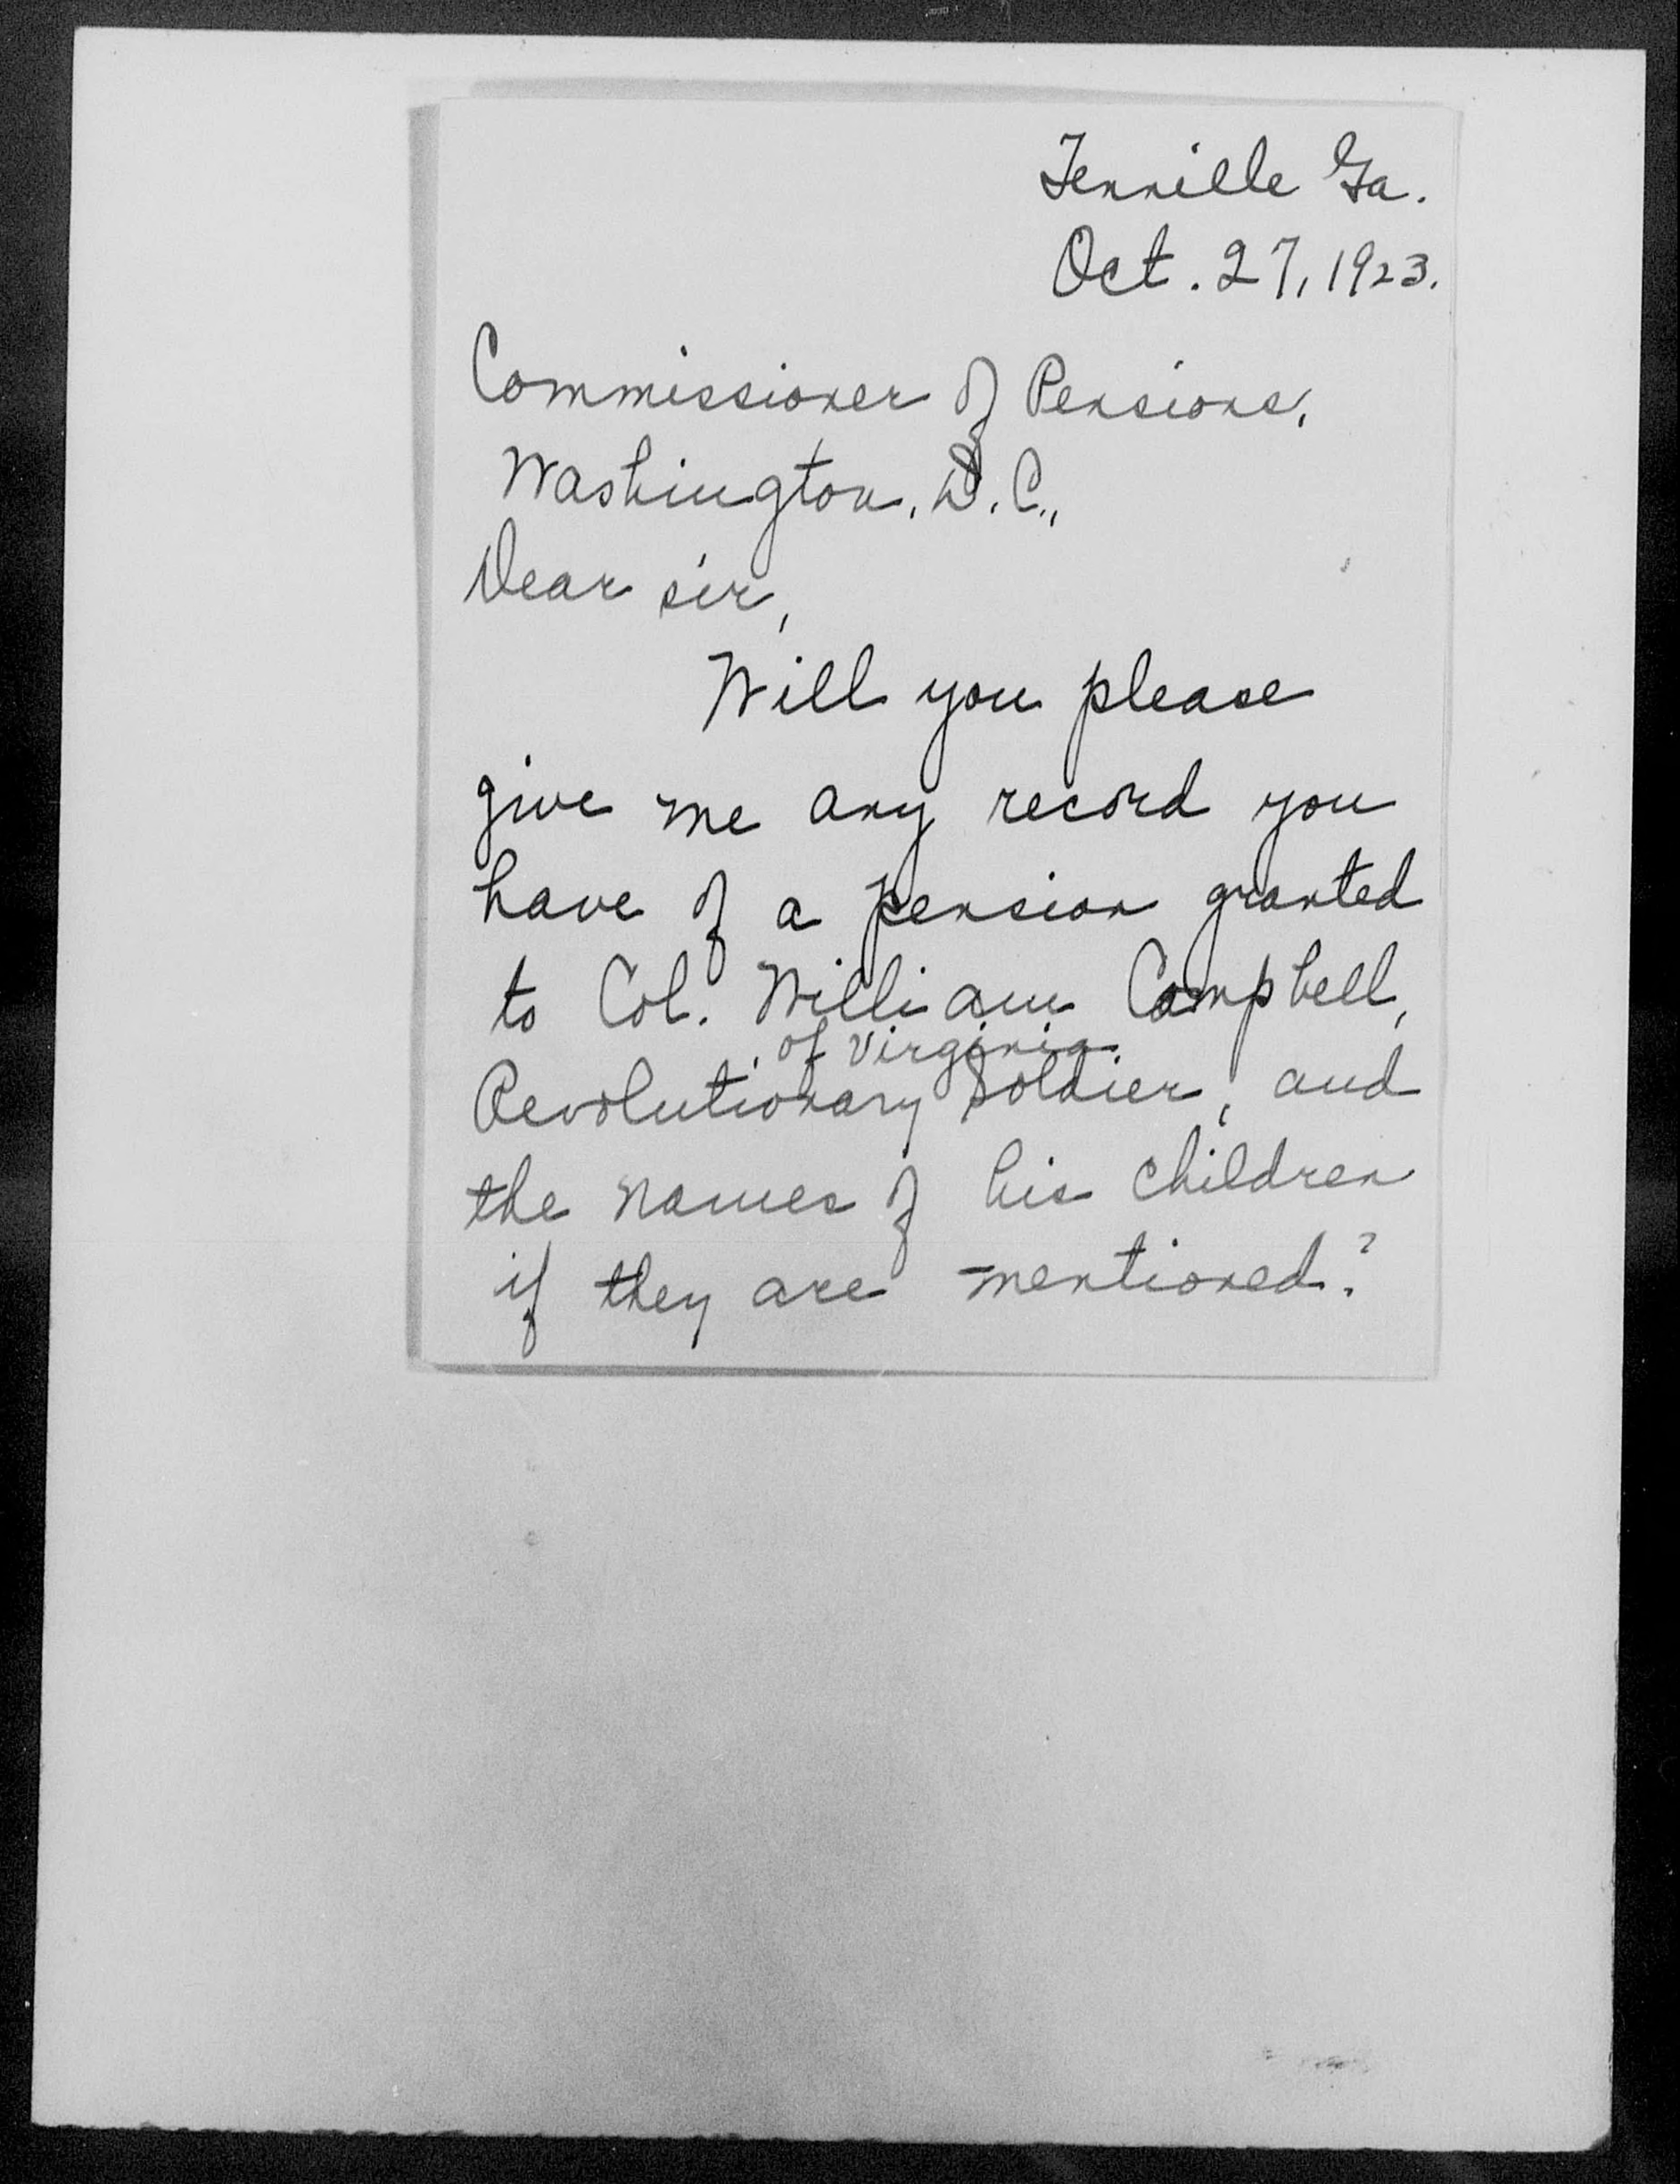Tennille Ga.
Oct. 27, 1923.

Commissioner of Pensions,
Washington, D.C.,
Dear sir,
Will you please give me any record you have of a pension granted to Col. William Campbell, of Virginia, Revolutionary Soldier, and the names of his children if they are mentioned?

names: William Campbell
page: 152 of 267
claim: widow's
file: W. 4,149, William Campbell, Va.